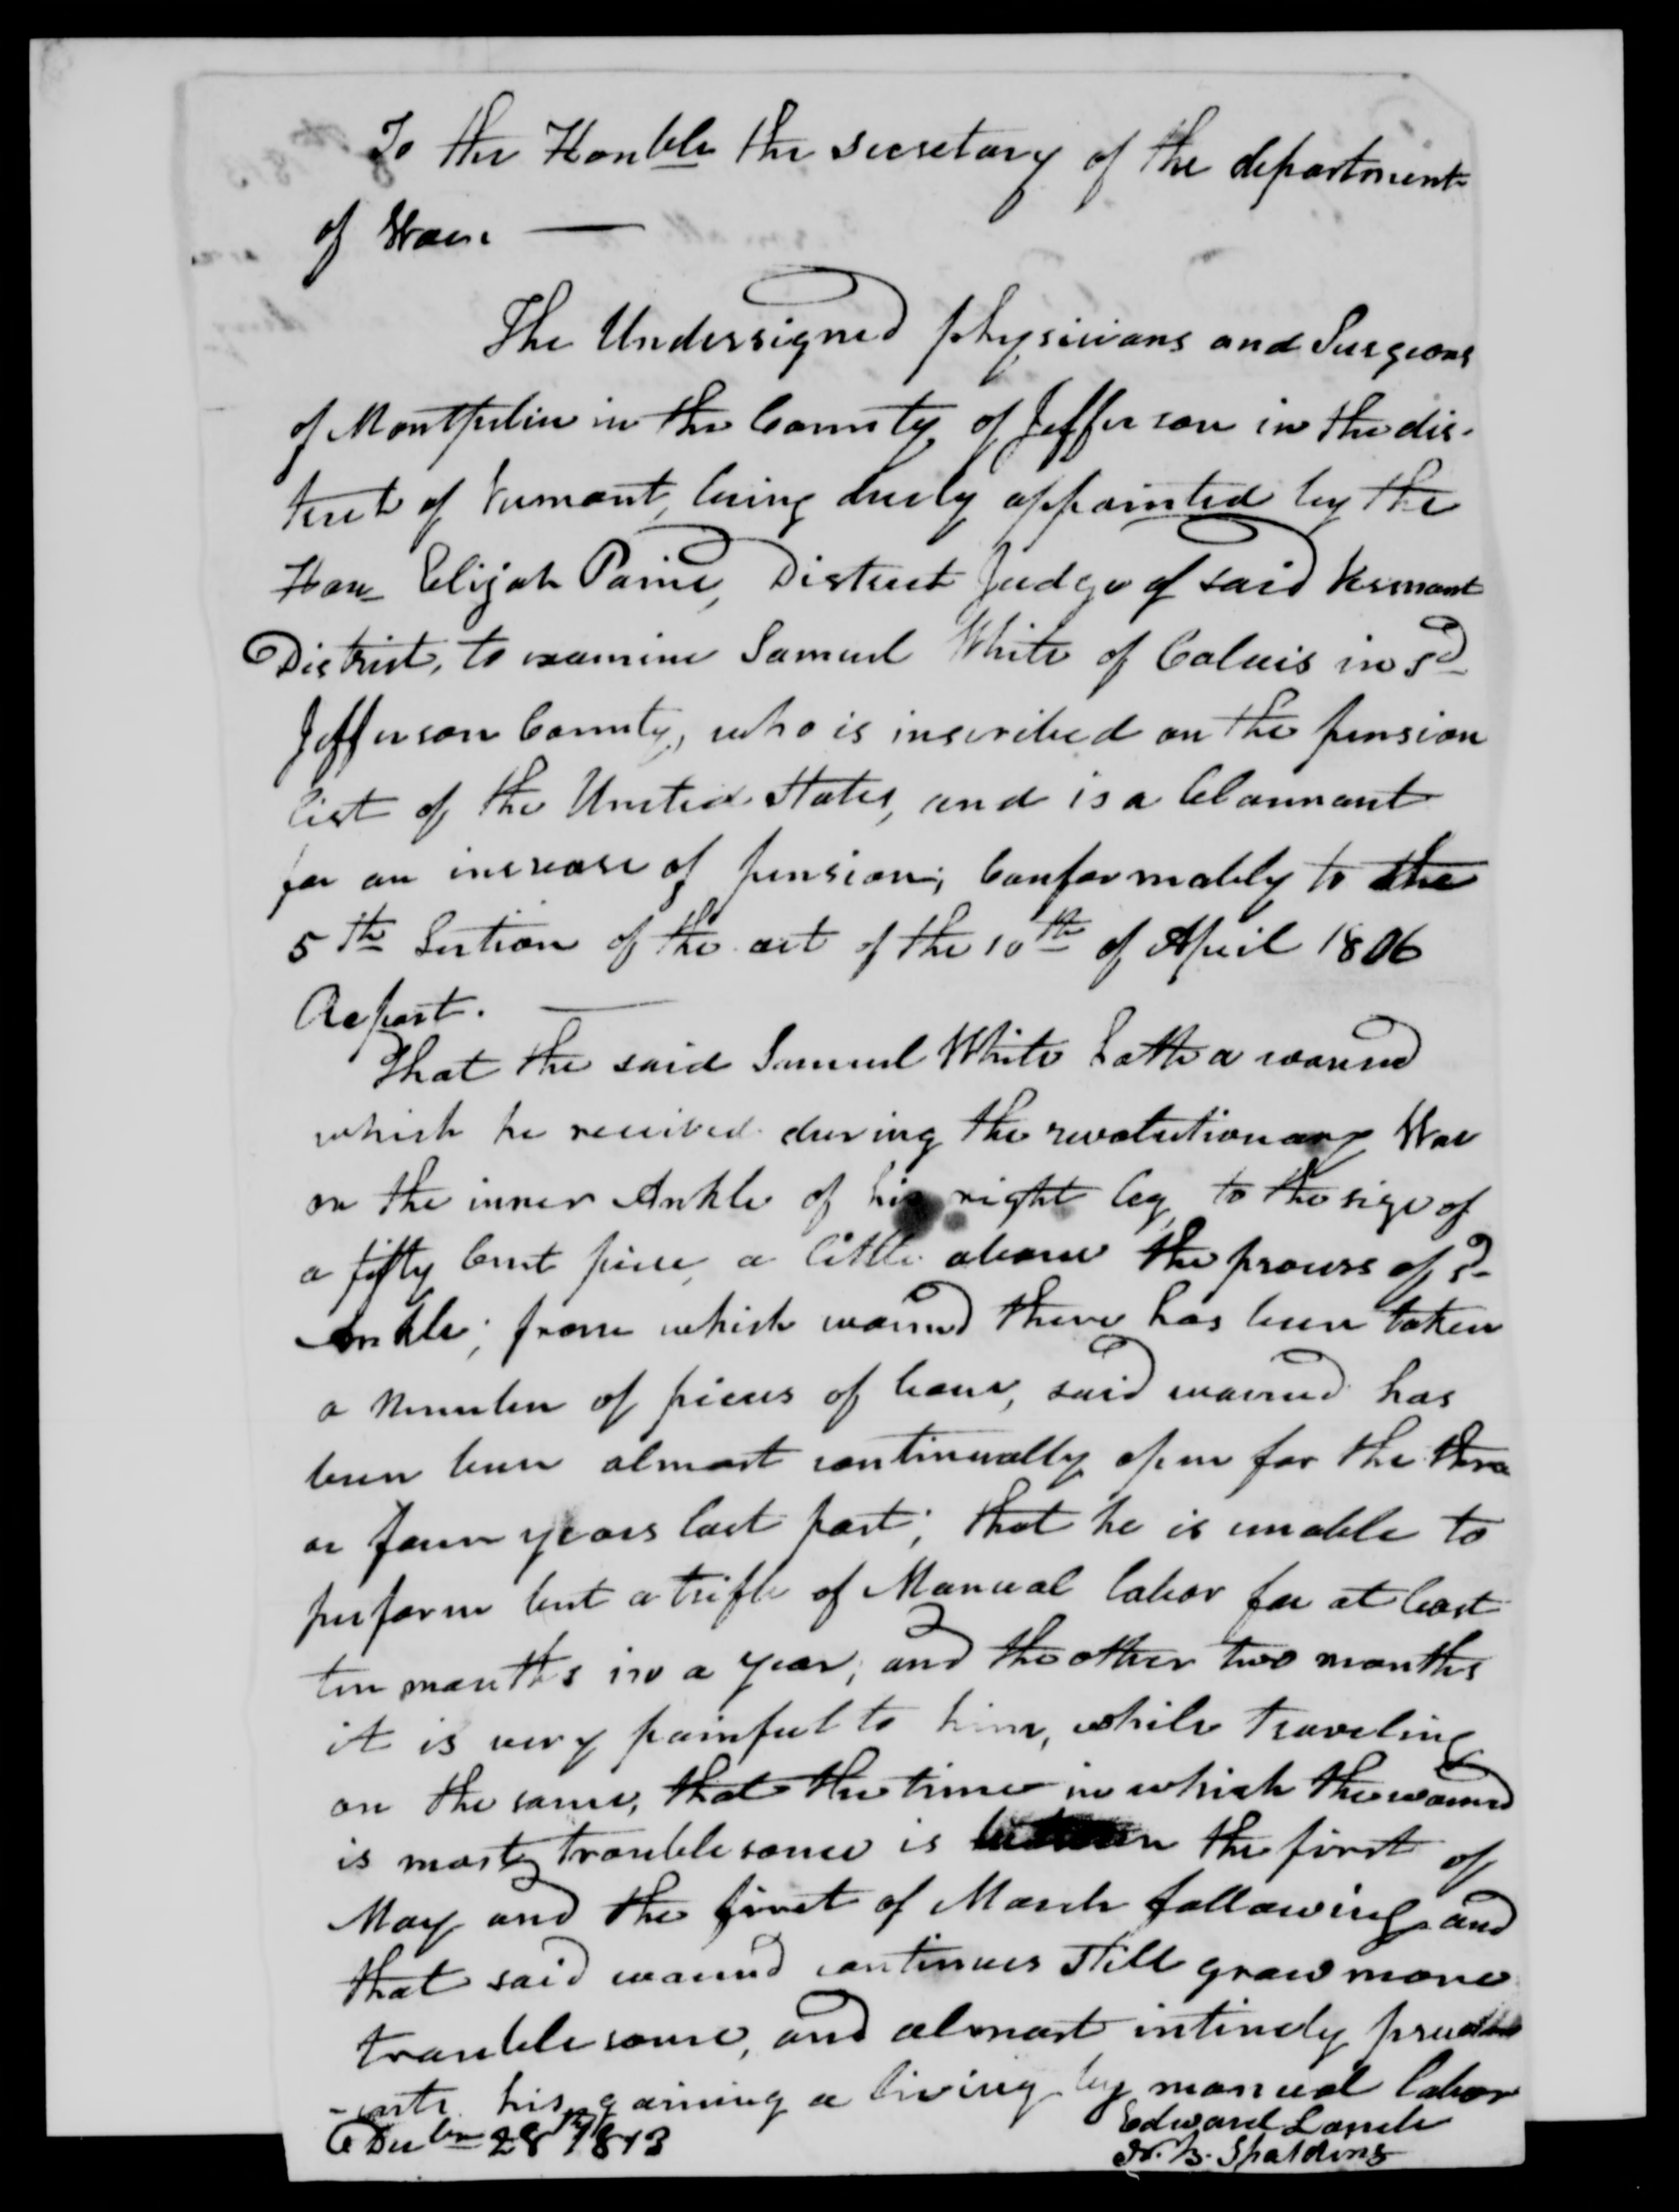to the Hon.ble the secretary of the departent of War:
The undersigned physicians and surgeons of Montpelier in the County of Jefferson in the district of Vermont, being duly appointed by the Hon. Elijah Paine, District Judge of said Vermont District, to examine Samuel White of Calais in said Jefferson County, who is inscribed on the pension list of the United States, and is a claimant for an increase of pension, conformably to the 5th Section of the act of the 10th of April 1806 Reportl
That the said Samuel White hath a wound which he received during the revolutionary War on the inner inkle of his right leg to the size of a fifty cent piece, a little above the (illegible)of said ankle from which wound there has been taken a number of pieces of bone, said wound has been been almost continually open for three or four years last past; that he is unable to perform but a trifle of manual labor for at least ten months of a year and the other two months it is very paniful to him, while traveling on the same; that the time in which the wound is mostly troublesome is the first of May and first of March following and that said wound continues still great more trouble some and almost intirely prevents him gaining a living by manual labor.
Dec. 18, 1813 
Edward Lamb
N. B. Spalding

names: Elijah Paine, Edward Lamb, N B Spalding, Samuel White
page: 64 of 79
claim: survivor's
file: S. 11759, Samuel White, Mass.